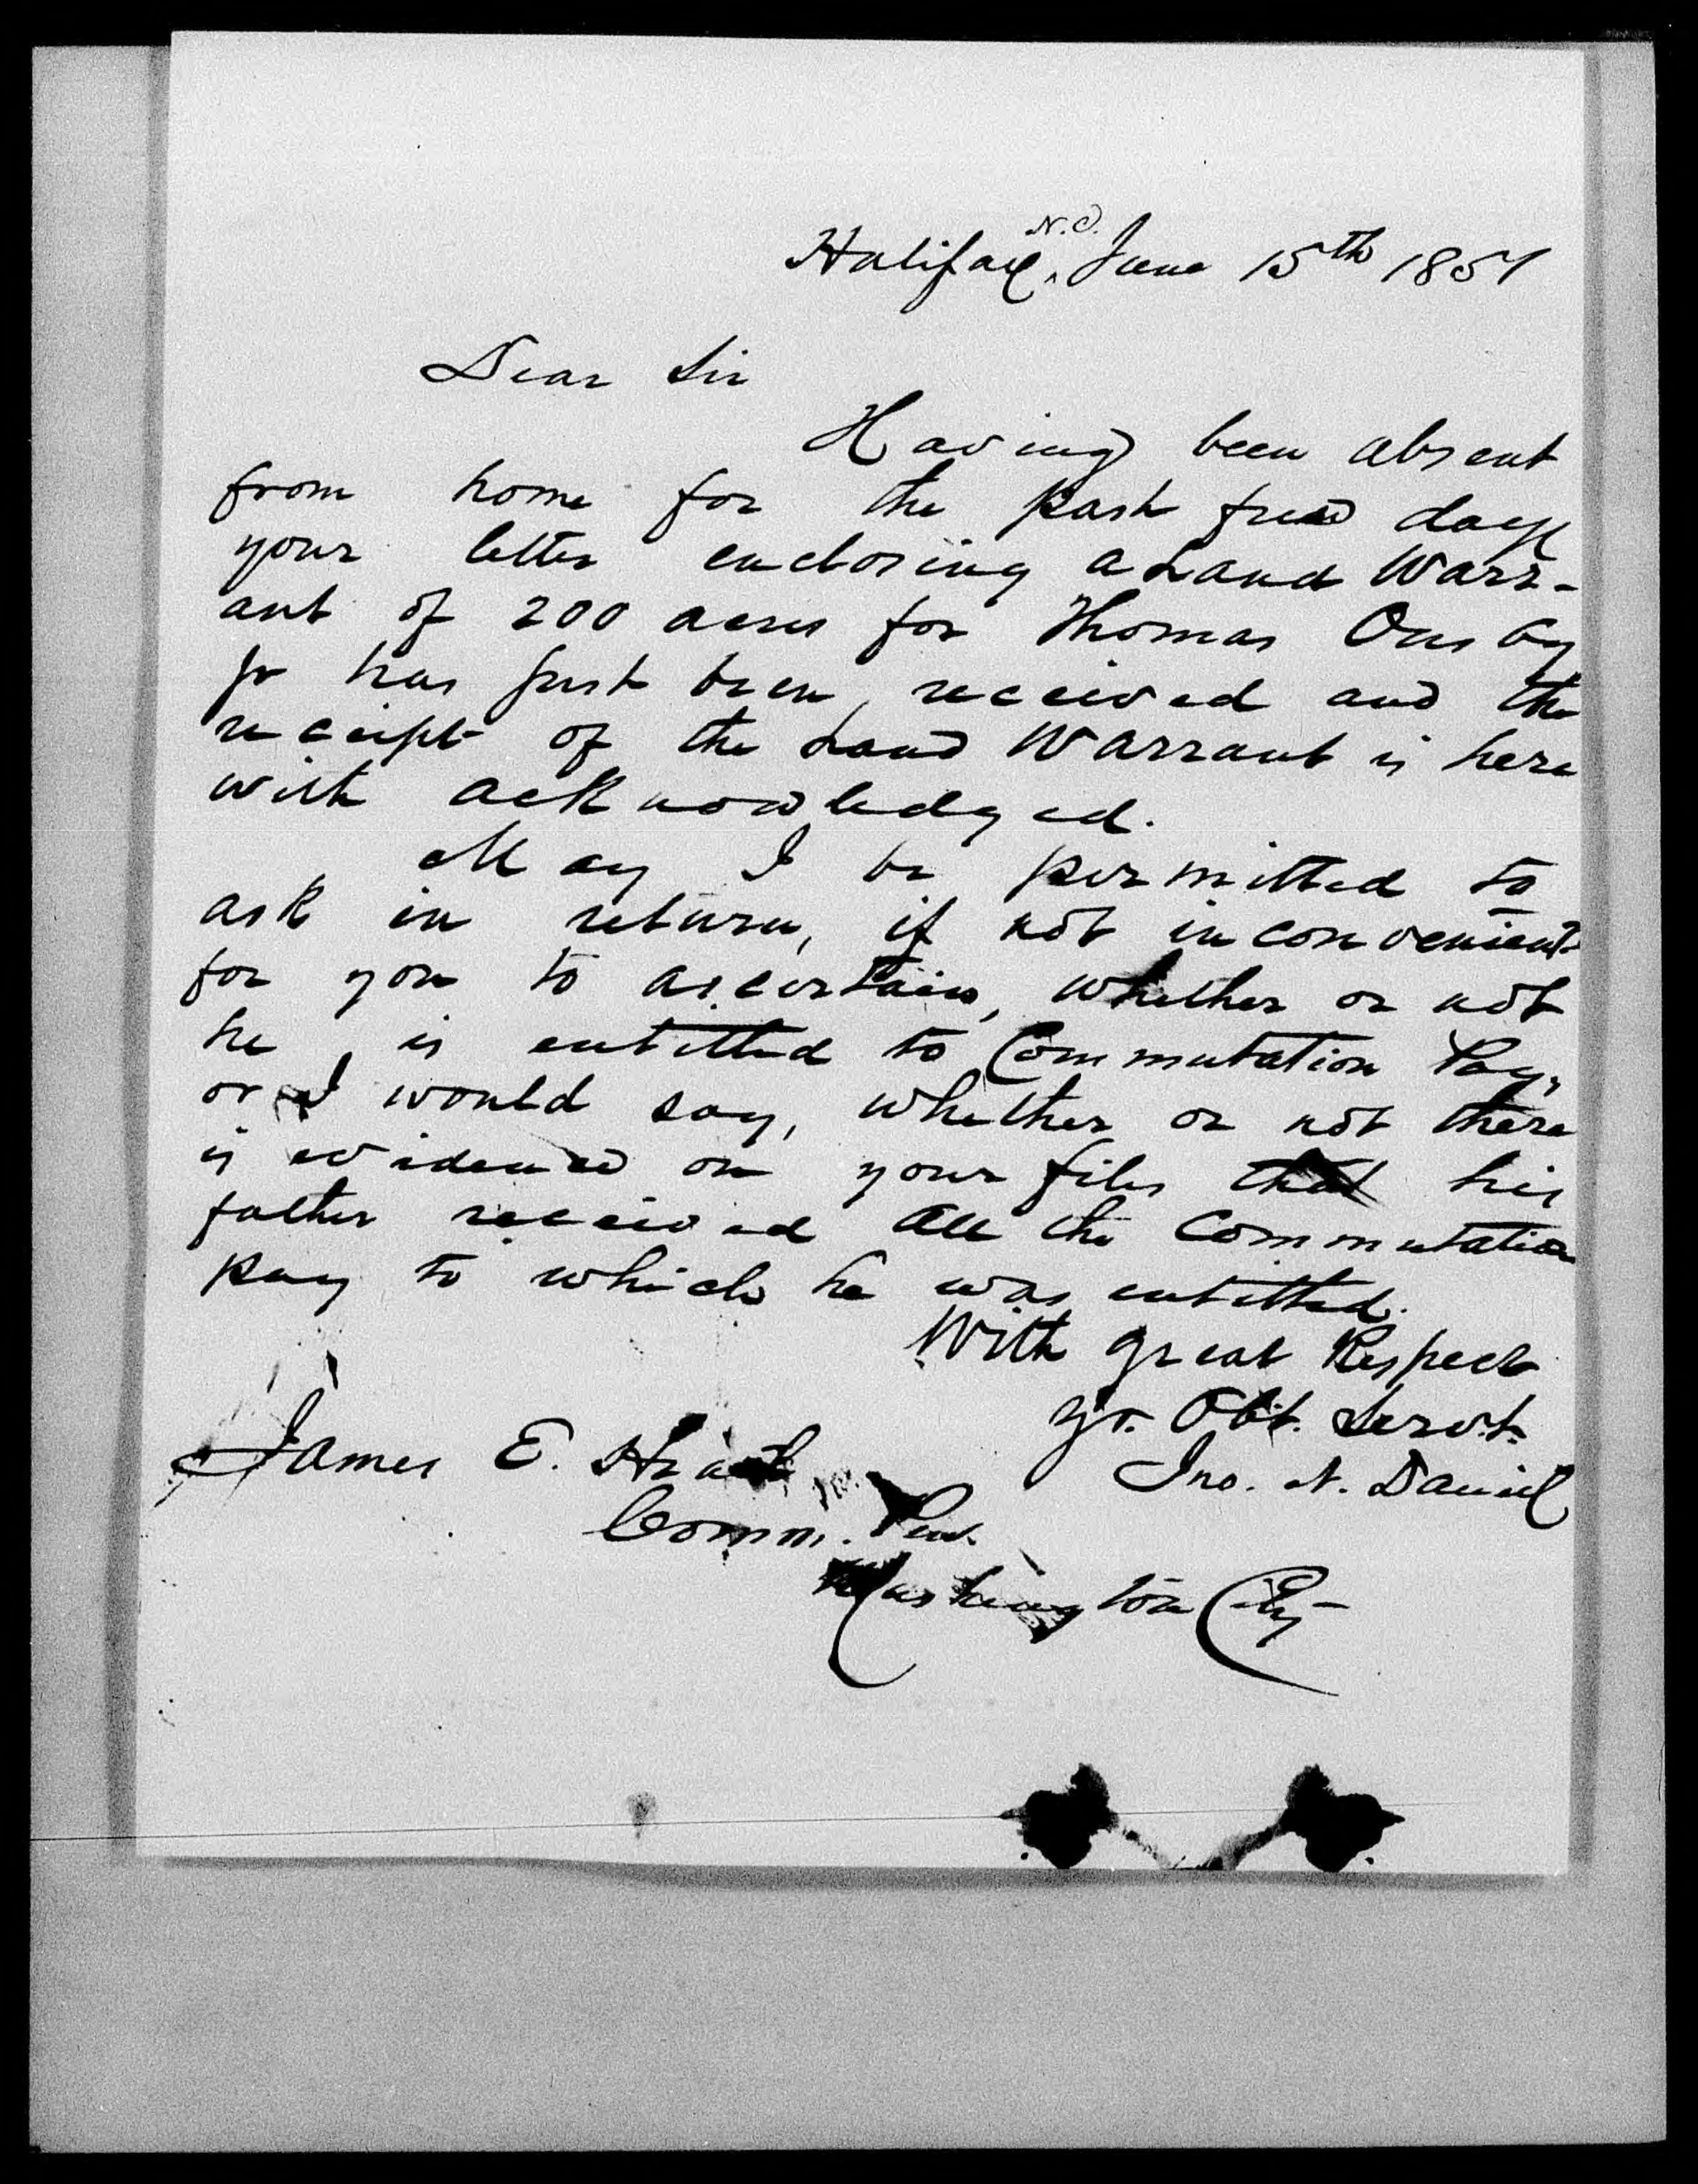Halifax, N.C. June 15th 1851

Dear Sir

Having been absent from home for the past few days you letter enclosing a Land Warrant of 200 acres for Thomas Ousby Jr has past been received and the receipt of the Land Warrant in here with acknowledged.
May I be permitted to ask in return, if not inconvenient for you to ascertain, whether or not he is entitled to Commutation Pay, or I would say, whether or not there is widow as on your files that his father received all the Commutation Pay for which he was entitled.

With great Respect
Zr. Obl. Servt.
Ino. W. Daniel

James E. Hzal
Comm. Priv.
[ilegible] City --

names: Thomas Our; James E Heath; Jno N Daniel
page: 5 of 13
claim: bounty land warrant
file: B. L. Wt. 2455-200, for Thomas Ousby, South Carolina